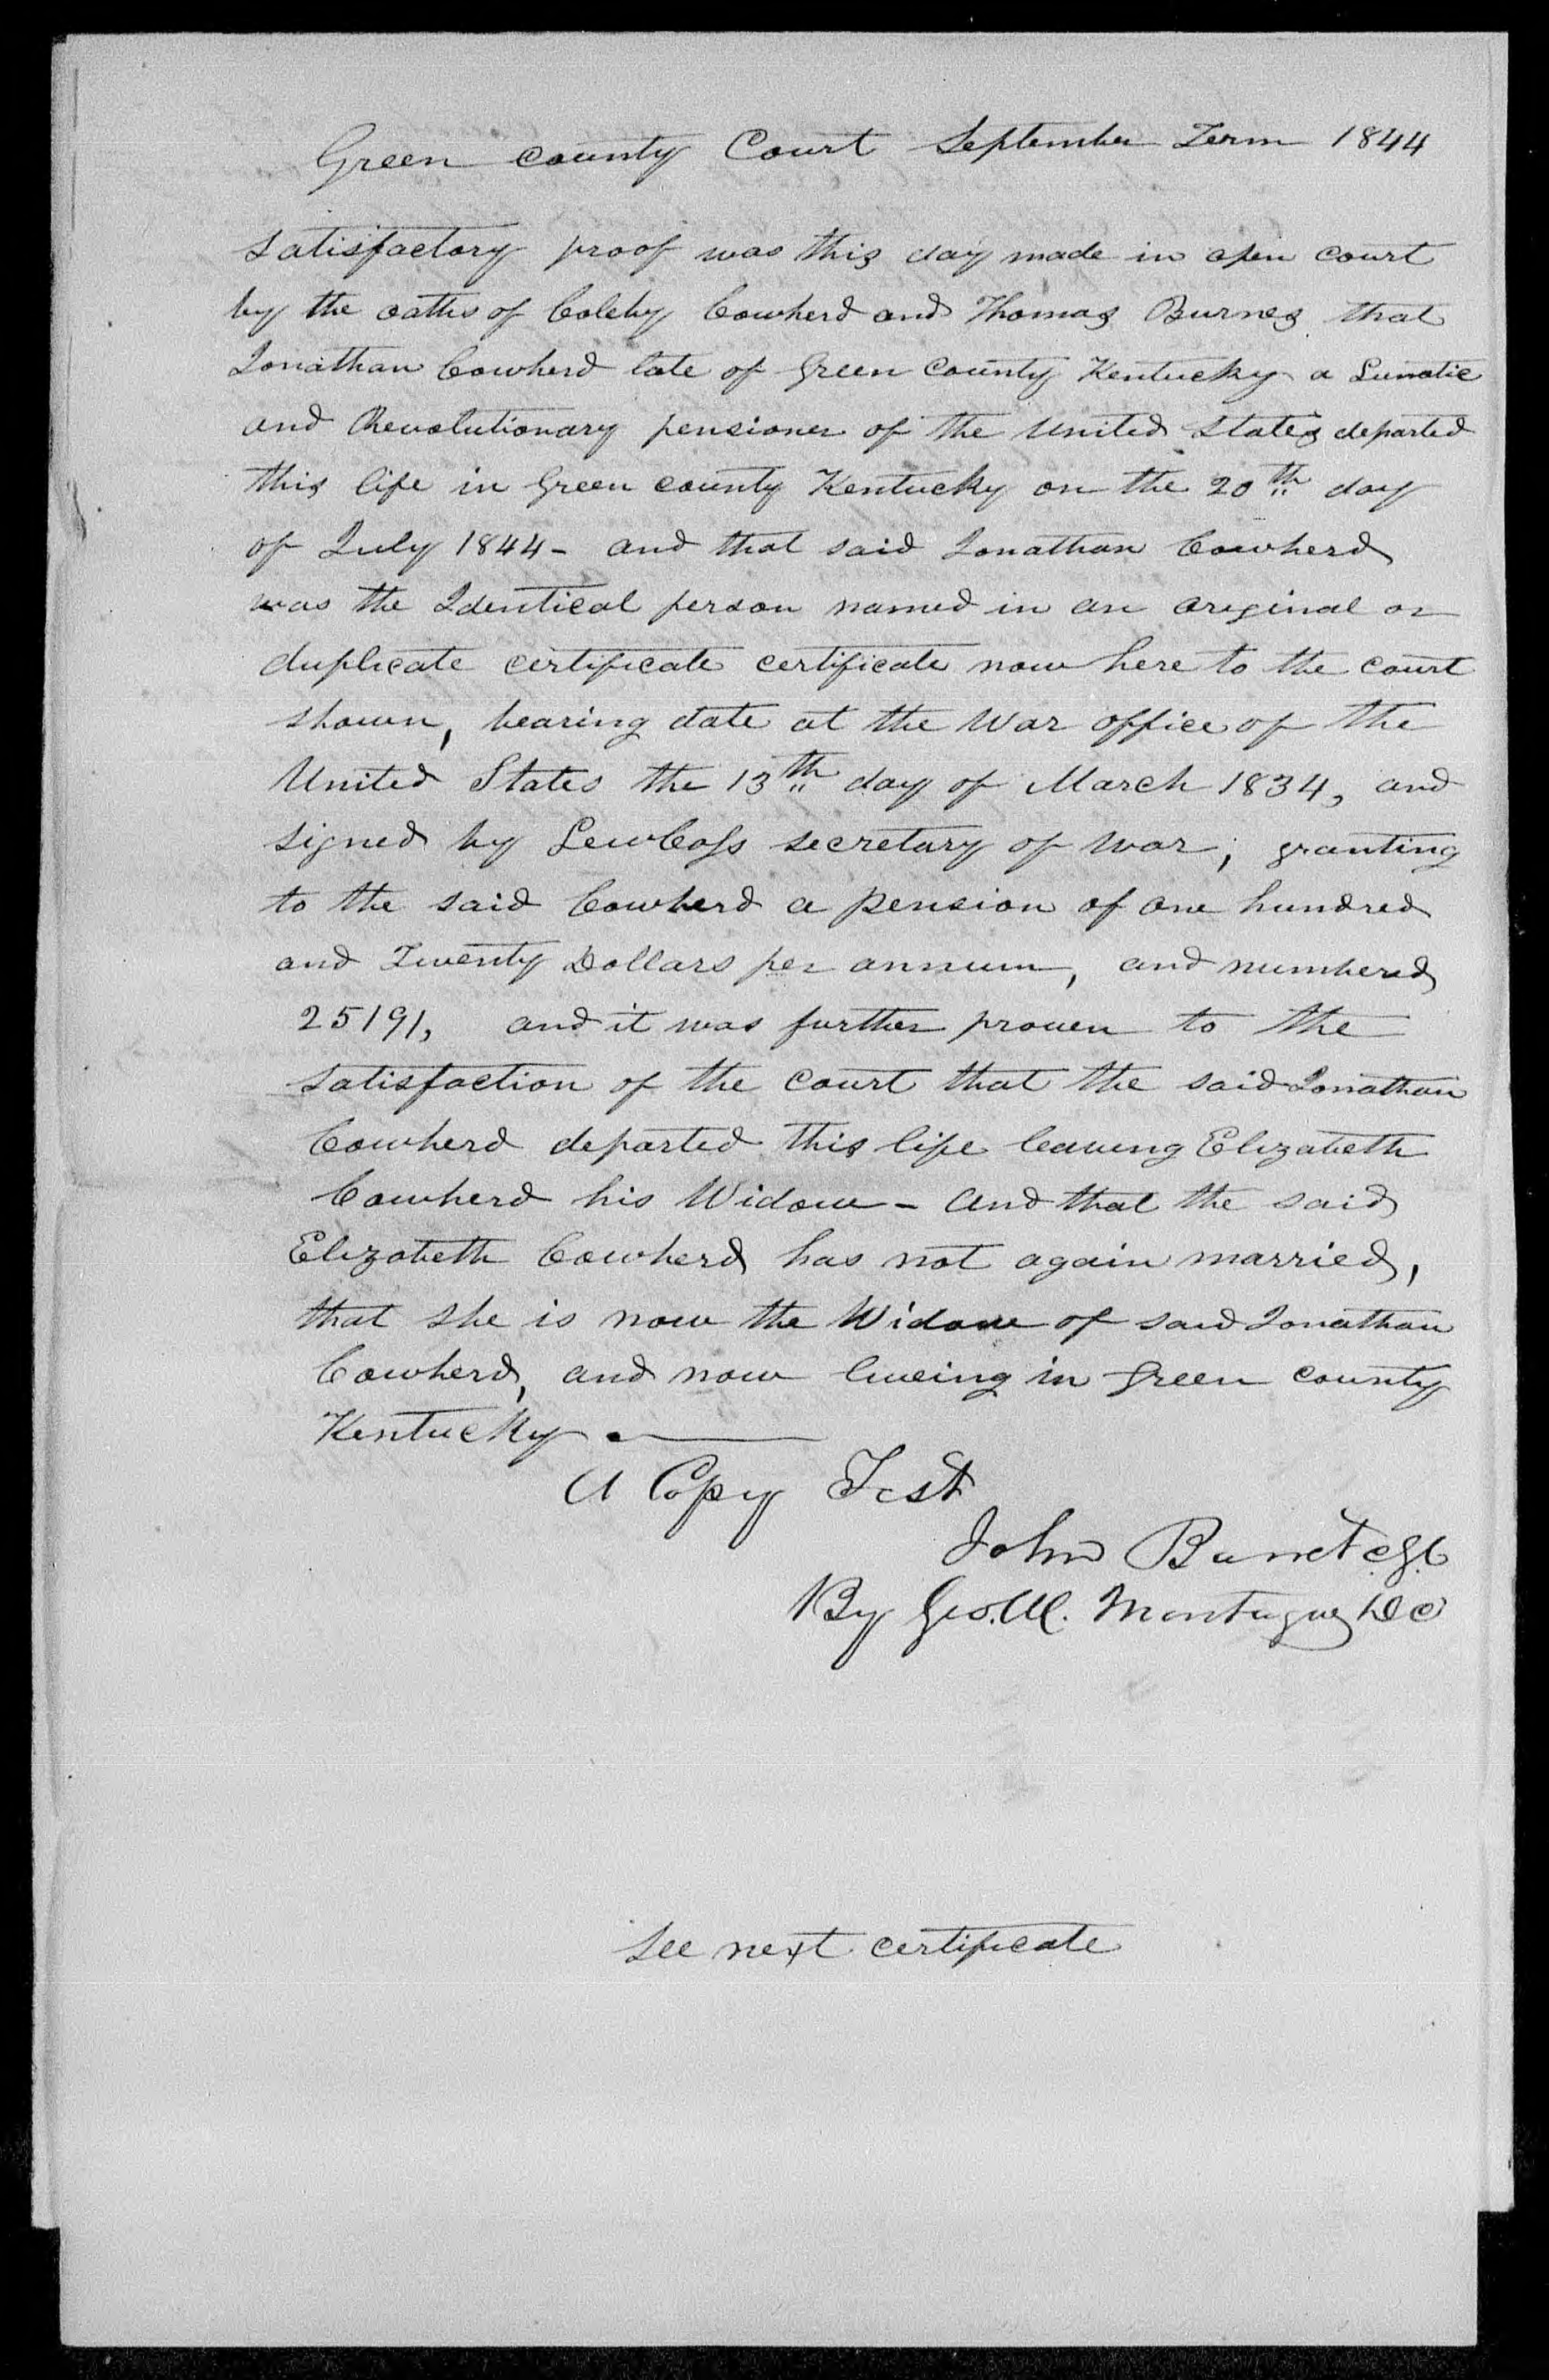Green County Court September Term 1844
satisfactory proof was this day made in open Court by the oaths of Coleby Cowherd and Thomas Burnes that Jonathan Cowherd late of Green County Kentucky a Lunatic and
Revolutionary pensioner of the United States departed this life in Green County Kentucky on the 20th day of July 1844 - and that said Jonathan Cowherd was the Identical person named in an original or duplicate certificate certificate now here to the court shown, bearing date at the War office of the United States the 13th day of March 1834, and
signed by Lew Cass secretary of war, granting
to the said Cowherd a pension of one hundred
and Twenty Dollars per annum, and numbered
25191, and it was further proven to the
satisfaction of the Court that the said Jonathan
Cowherd departed this life leaving Elizabeth
Cowherd his Widow -  and that the said
Elizabeth Cowherd has not again married,
that she is now the Widow of said Jonathan
Cowherd and now living in Green County
Kentucky

A Copy Test
John Barret cgc [Clerk Green County]
By Geo. W. Montgomery DC [Deputy Clerk]
See next certificate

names: Jonathan Cowherd, Elizabeth Cowherd, Coleby Cowherd, John Barret, Jonathan Cowherd, Jonathan Cowherd, Elizabeth Cowherd, Jonathan Cowherd, Geo W Montague, Thomas Burnes, Cowherd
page: 26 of 46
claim: widow's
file: W 8619, Jonathan Cowherd, Va.